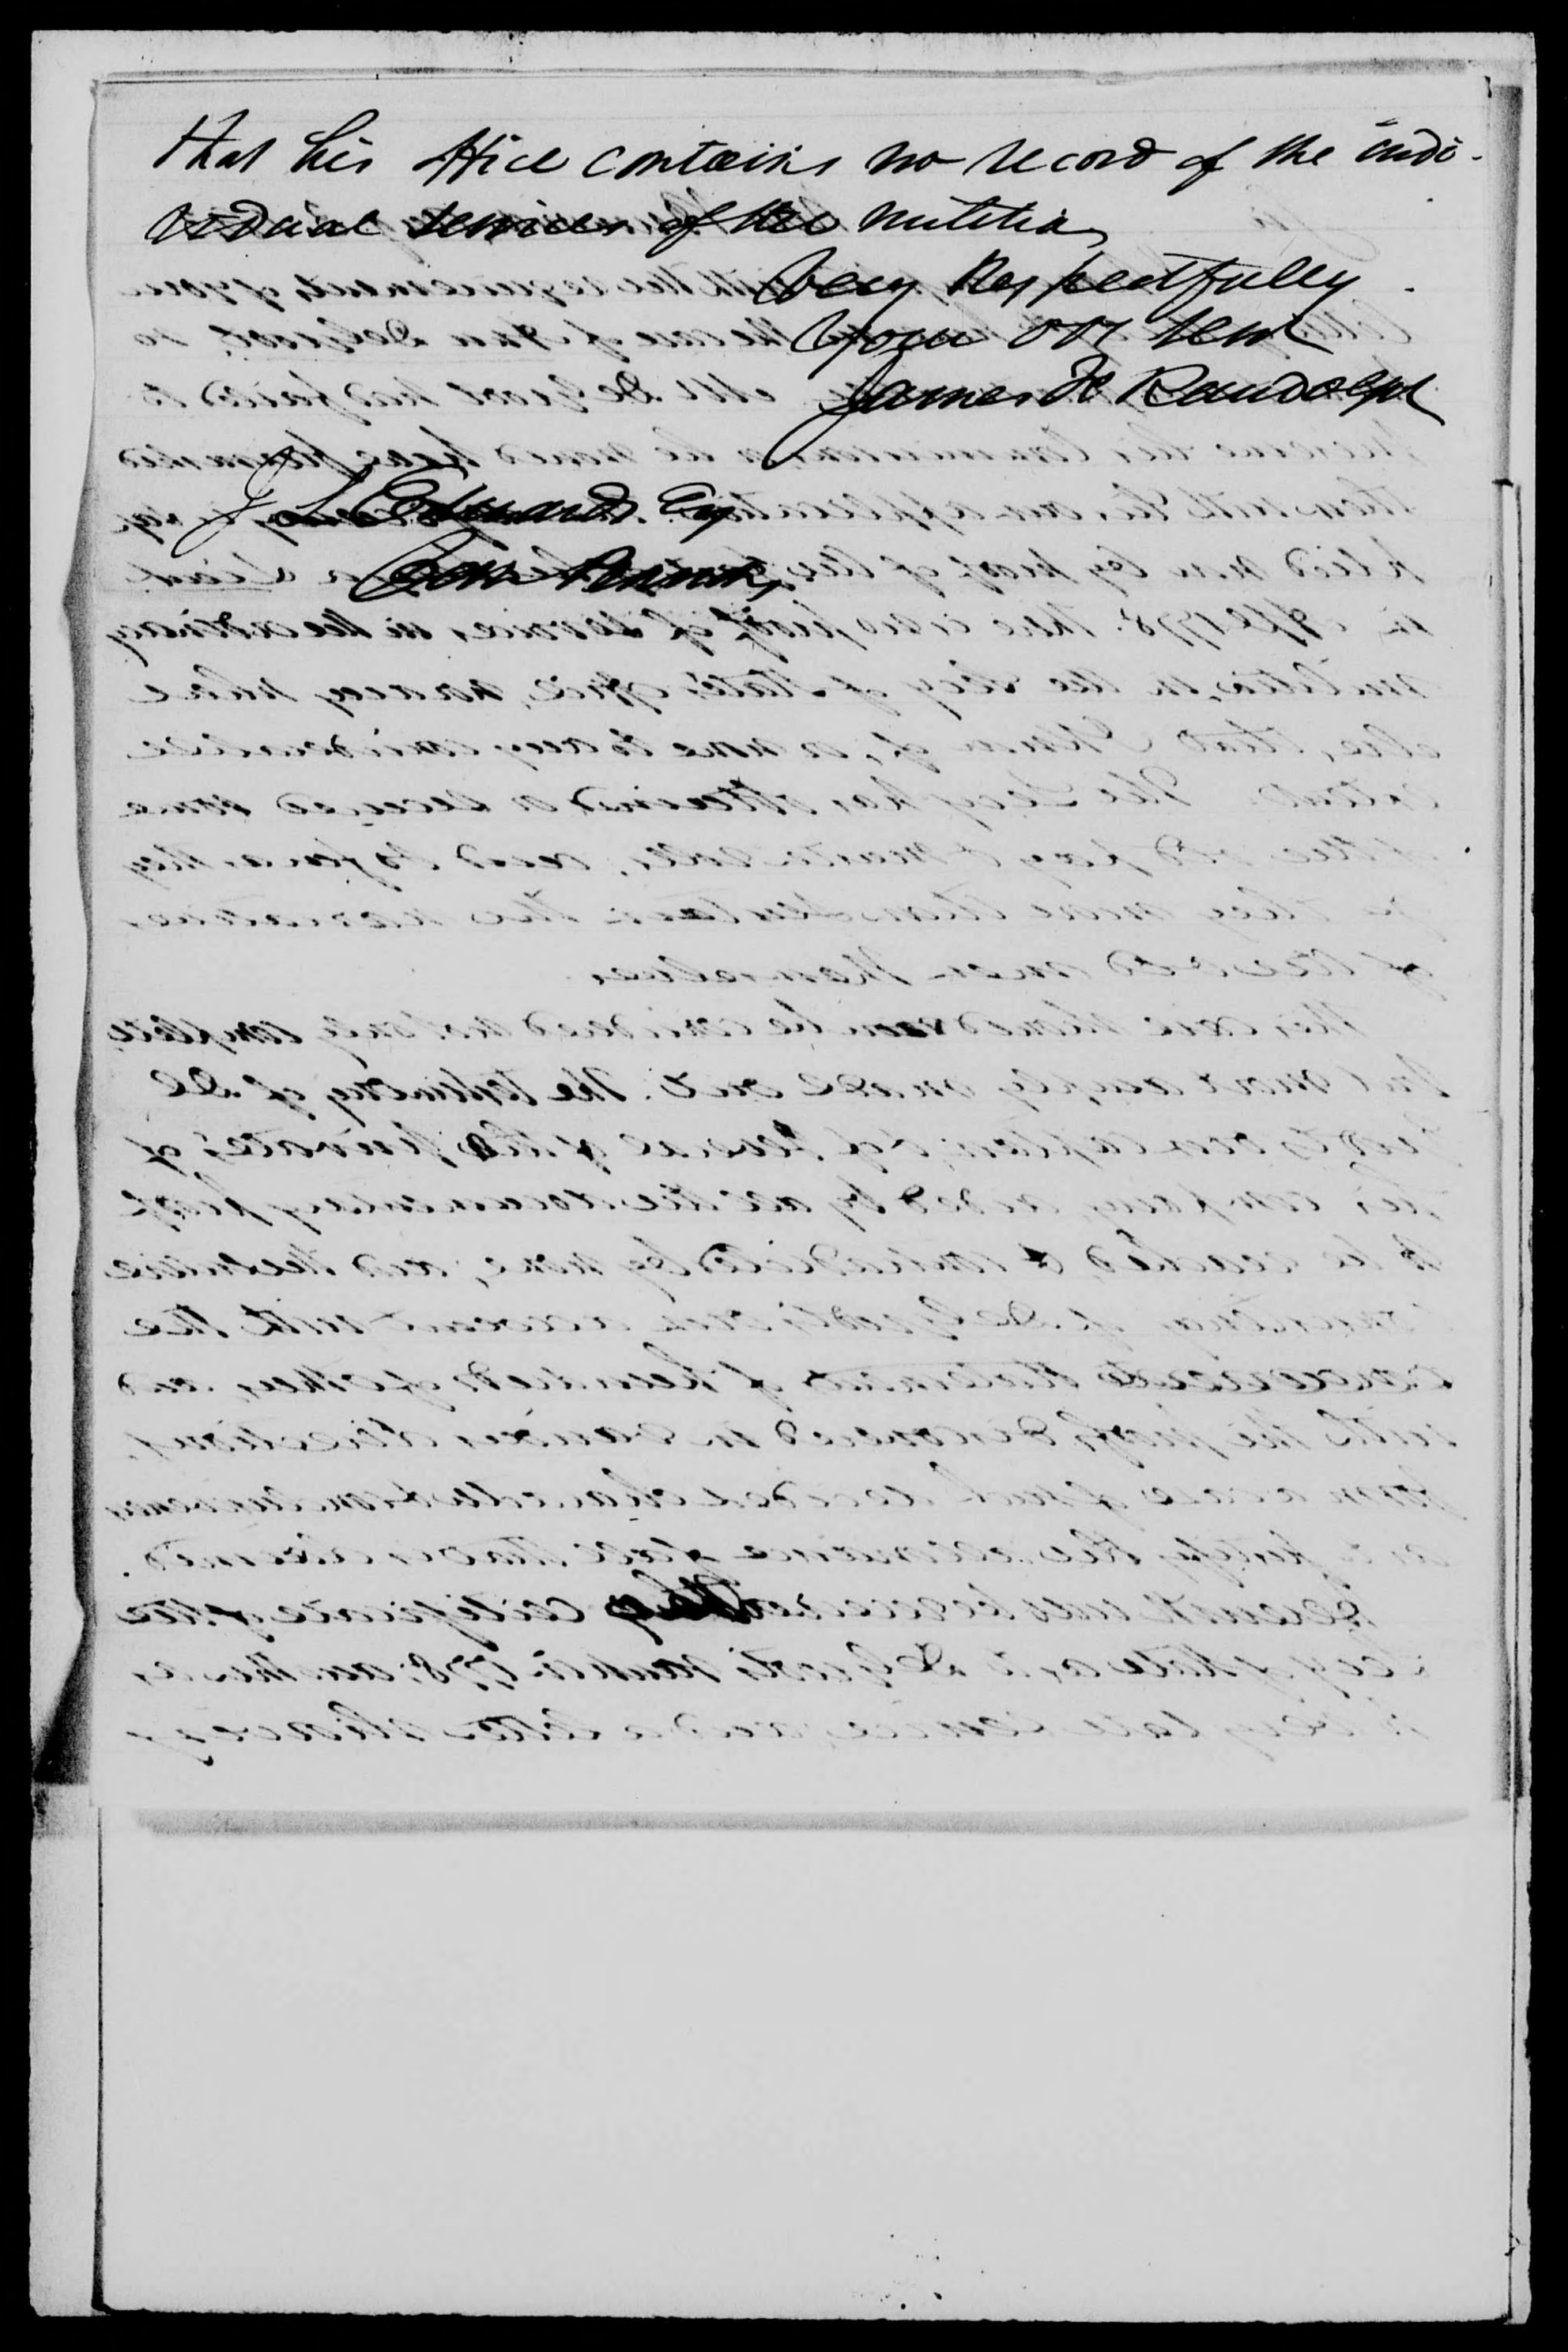that his office contains no record of the [illegible] services of the militia
Very Respectfully Your obt. servt. [signed] James F Randolph
J L Edwards Esq Comr Pensions
[remainder of marks are bleed-through from reverse side of page]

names: J L Edwards, James F Randolph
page: 29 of 77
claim: widow's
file: W. 417, William De Groot, New Jersey